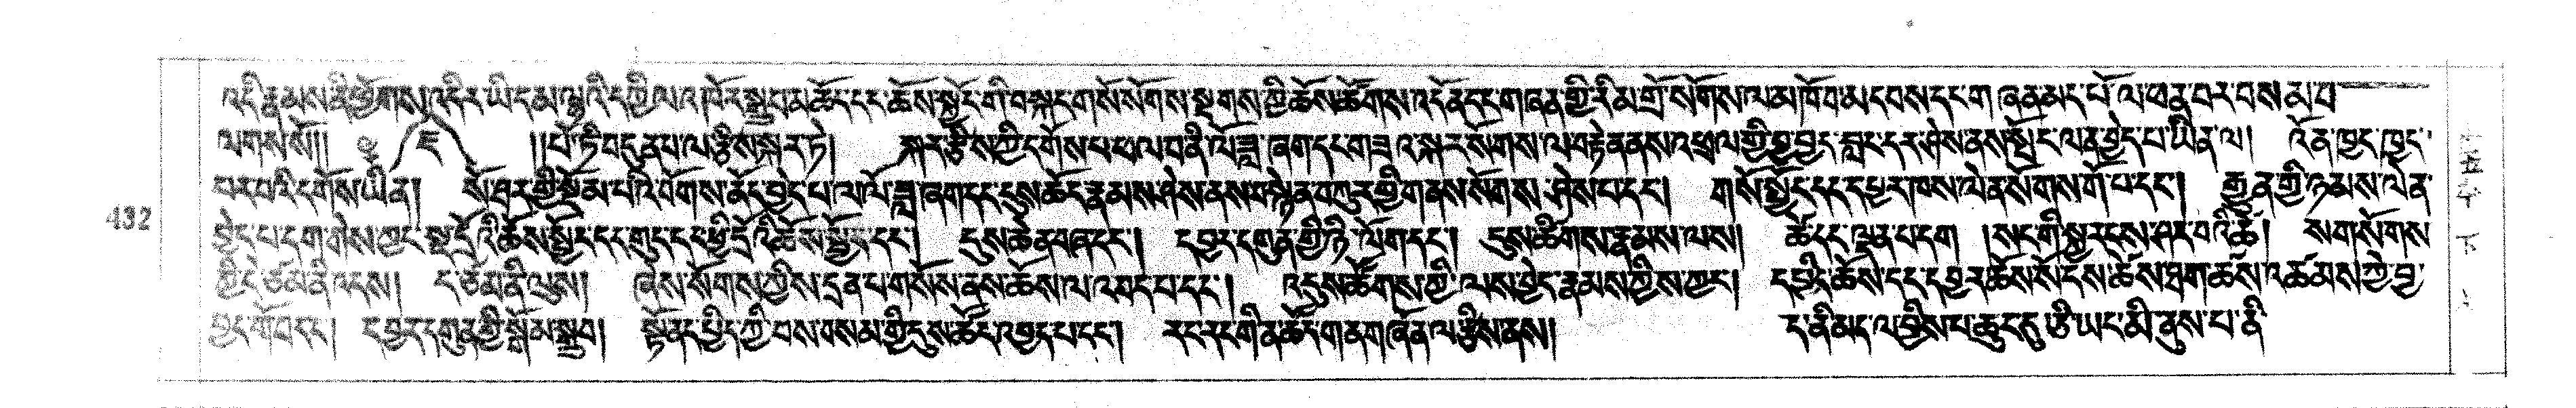འདི་རྣམས་ནི་ཕྱོགས་འདིར་ཡི་དམ་ལྷའི་དཀྱིལ་འཁོར་སྒྲུབ་མཆོད་དང་ཆོས་སྐྱོང་གི་བསྐད་གསོ་སོགས་སྔགས་ཀྱི་ཆོས་ཚོགས་འདོན་དང་གཞན་གྱི་རིམ་གྲོ་སོགས་ལ་མཁོ་བ་མདབས་དང་གཞན་མང་པོ་ལ་ཕན་བར་བསམ་པ་
ལགས་སོ།། ༈ ཇ྄་།།པོ་ཏི་བདུན་པ་ལ་རྩིས་སྐར་ཏེ། སྐར་རྩིས་ཀྱི་དགོས་པ་ཕལ་བ་ནི་ལོ་ཟླ་ཞག་དང་གཟའ་སྐར་སོགས་ལ་བརྟེན་ནས་འཕྲལ་གྱི་བྱ་བྱད་བླང་དར་ཤེས་ནས་སྤོང་ལན་བྱེད་པ་ཡིན་ལ། འོན་ཁྱད་ཁྱད་
བར་བའི་དགོས་ཡིན། སོ་ཐར་གྱི་སྡོམ་པའི་བོགས་ནོད་བྱེད་པ་ལ་ལོ་ཟླ་ཞག་དང་དུས་ཆོད་རྣམས་ཤེས་ནས་བསྙེན་བཀུར་གྱི་གནས་སོགས་ཤེས་པ་དང་། གསོ་སྤྱོང་དང་དཔྱར་ཁས་ལེན་སོགས་གོ་པ་དང་། རྒྱུན་གྱི་ཉམས་ལེན་
བྱེད་པ་དག་གེས་ཀྱང་སྔ་དྲོའི་ཆོས་སྦྱོང་དང་གུད་དང་ཕྱི་དྲོའི་ཆོས་སྤྱོད་དང་། དུས་ཆེན་བཞ་དང་། དབྱར་དགུན་གྱི་ཉི་ལོག་དང་། དུས་ཚིགས་རྣམས་ལས། ཚེ་དང་ལྡན་པ་དག །སང་གི་སྐྱ་རངས་ཤར་བའི་ཚེ། སག་སོགས་
ཀྱི་དེ་ཙམ་ནི་འདས། ད་ཙམ་ནི་ལུས། ཞེས་སོགས་ཀྱིས་དྲན་པ་གསོས་ནས་ཆོས་ལ་འབད་པ་དང་། འདུས་ཚོགས་ཀྱི་ལས་བྱེད་རྣམས་ཀྱིས་ཀྱང་། དཔྱིད་ཆོས་དང་དབྱར་ཆོས་སོ་ངས་ཚེས་ཐག་ཚས་འཚམས་ཀྱེ་བྱ་
བྱང་གོ་བ་དང་། དབྱར་དགུན་གྱི་སྒོམ་སྒྲུབ། སྟོན་དཔྱིད་ཀྱི་བས་བསམ་གྱི་དུས་ཚོད་འབྱད་པ་དང་། རང་རང་གི་ན་ཚོད་གན་གཞོན་ལ་རྩིས་ནས། ད་ནི་མང་ལ་བྱིས་པ་ཆུང་དུ་ཅི་ཡང་མི་ནུས་པ་ནི་